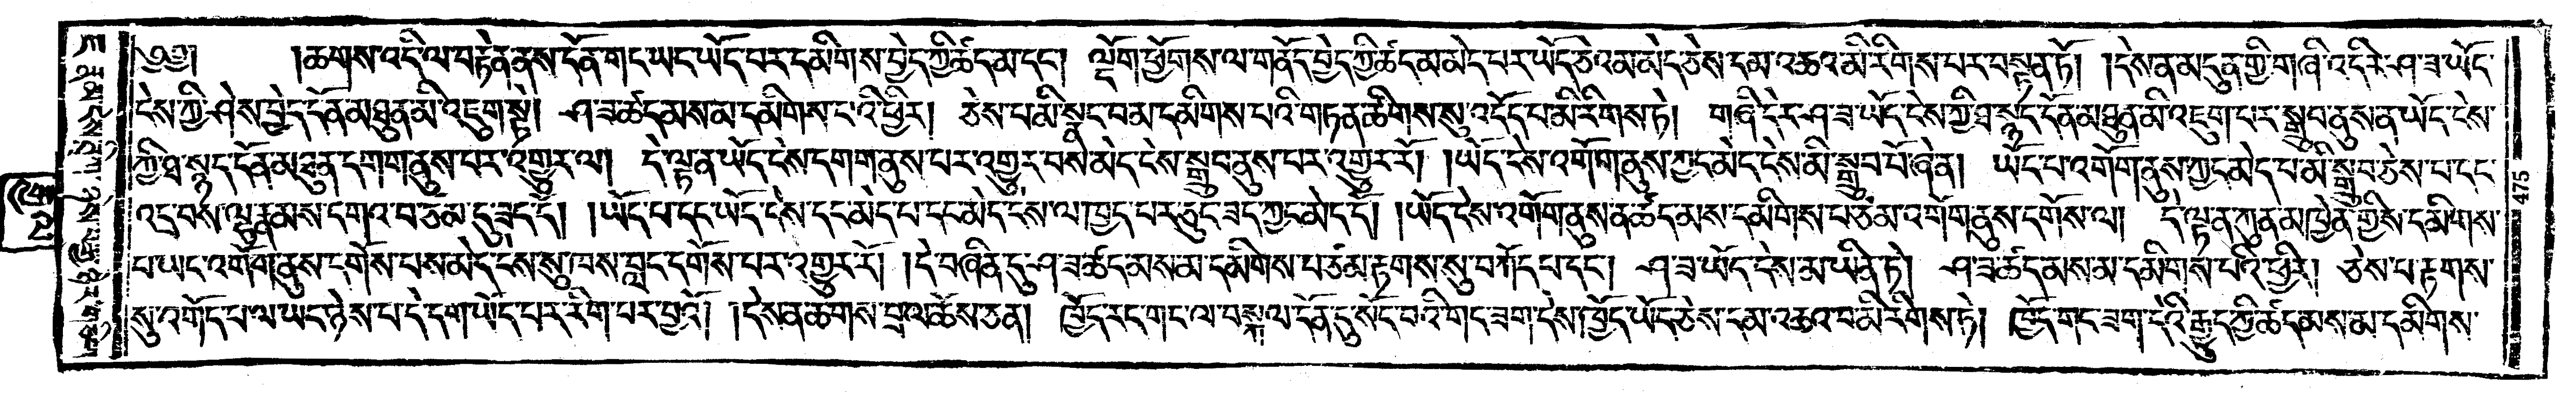༄༅། །ཆགས་འདི་ལ་བརྟེན་ནས་དོན་གང་ཡང་ཡོད་པར་དམིགས་བྱེད་ཀྱི་ཚད་མ་དང་། ལྡོག་ཕྱོགས་ལ་གནོད་བྱེད་ཀྱི་ཚད་མ་མེད་པར་ཡོད་ཅེའམ་མེད་ཅེས་དམ་འཆའ་མི་རིགས་པར་བསྟན་ཏོ། །དེས་ན་མདུན་གྱི་གཞི་འདིར་ཤ་ཟ་ཡོད་
ངེས་ཀྱི་ཤེས་བྱེད་དོན་མཐུན་མི་འཇུག་སྟེ། ཤ་ཟ་ཚད་མས་མ་དམིགས་པའི་ཕྱིར། ཅེས་པ་མི་སྣང་བ་མ་དམིགས་པའི་གཏན་ཚིགས་སུ་འདོད་པ་མི་རིགས་ཏེ། གཞི་དེར་ཤ་ཟ་ཡོད་ངེས་ཀྱི་ཐ་སྙད་དོན་མཐུན་མི་འཇུག་པར་སྒྲུབ་ནུས་ན་ཡོད་ངེས་
ཀྱི་ཐ་སྙད་དོན་མཐུན་དགག་ནུས་པར་འགྱུར་ལ། དེ་ལྟ་ན་ཡོད་ངེས་དགག་ནུས་པར་འགྱུར་བས་མེད་ངེས་སྒྲུབ་ནུས་པར་འགྱུར་རོ། །ཡོད་ངེས་འགོག་ནུས་ཀྱང་མེད་ངེས་མི་སྒྲུབ་བོ་ཞེ་ན། ཡོད་པ་འགོག་ནུས་ཀྱང་མེད་པ་མི་སྒྲུབ་ཅེས་པ་དང་
འདྲ་བས་ལྷ་རྣམས་དགའ་བ་ཙམ་དུ་ཟད་དོ། །ཡོད་པ་དང་ཡོད་ངེས་དང་མེད་པ་དང་མེད་ངེས་ལ་ཁྱད་པར་ཅུང་ཟད་ཀྱང་མེད་དོ། །ཡོད་ངེས་འགོག་ནུས་ན་ཚད་མས་དམིགས་པ་ཙམ་འགོག་ནུས་དགོས་ལ། དེ་ལྟ་ན་ཀུན་མཁྱེན་གྱིས་དམིགས་
པ་ཡང་འགོག་ནུས་དགོས་པས་མེད་ངེས་སུ་ཁས་བླང་དགོས་པར་འགྱུར་རོ། །དེ་བཞིན་དུ་ཤ་ཟ་ཚད་མས་མ་དམིགས་པ་ཙམ་རྟགས་སུ་བཀོད་པ་དང་། ཤ་ཟ་ཡོད་དེས་མ་ཡིན་ཏེ། ཤ་ཟ་ཚད་མས་མ་དམིགས་པའི་ཕྱིར། ཅེས་པ་རྟགས་
སུ་འགོད་པ་ལ་ཡང་ཉེས་པ་དེ་དག་ཡོད་པར་རིག་པར་བྱའོ། །དེས་ན་ཆགས་བྲལ་ཆོས་ཅན། ཁྱོད་རང་གང་ལ་བསྐལ་དོན་དུ་སོང་བའི་གང་ཟག་དེས་ཁྱོད་ཡོད་ཅེས་དམ་འཆའ་བ་མི་རིགས་ཏེ། ཁྱོད་གང་ཟག་དེའི་རྒྱུད་ཀྱི་ཚད་མས་མ་དམིགས་